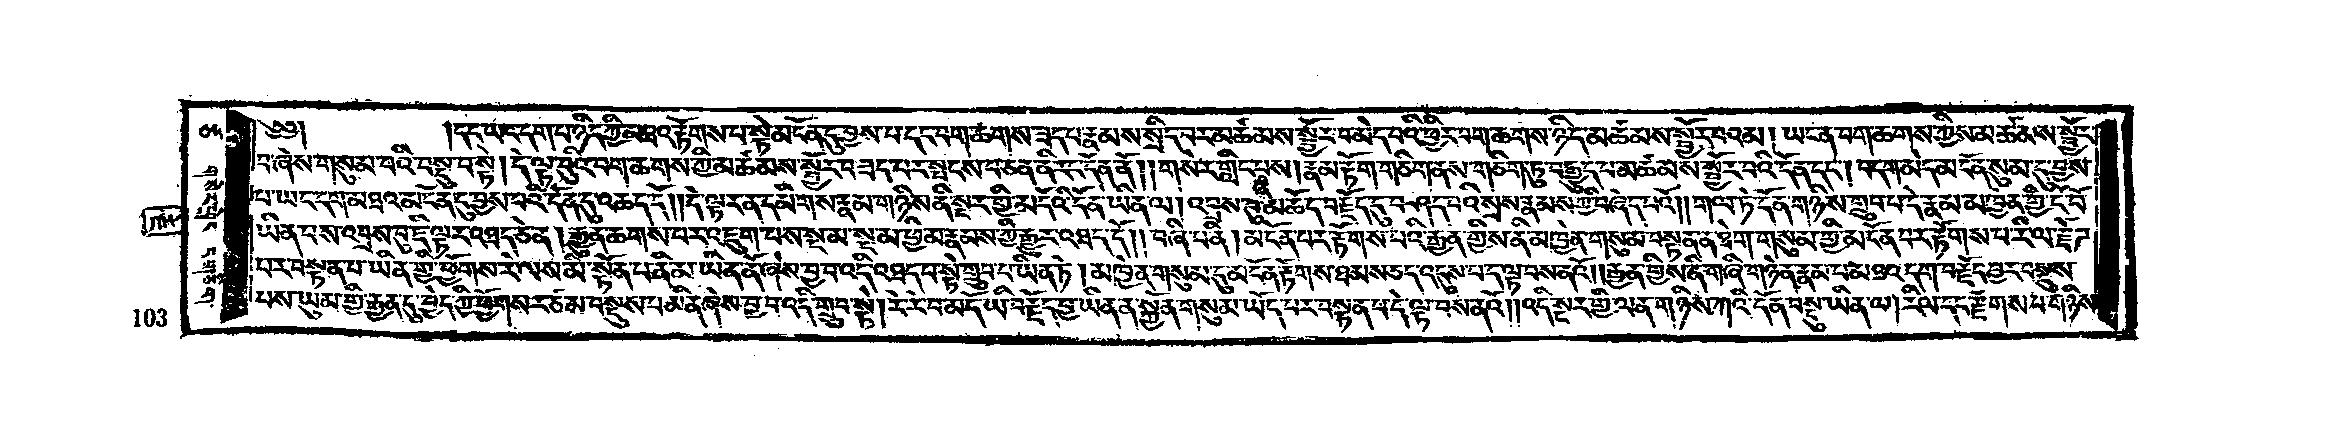༄༅། །དང་ཡང་དག་པ་ཉིད་ཀྱི་མཐའ་རྟོགས་པ་སྟེ་མངོན་དུ་བྱས་པ་དང་བག་ཆགས་ཟད་པ་རྣམས་སྲིད་བར་མཚམས་སྦྱོར་བ་མེད་པའི་ཕྱིར་བག་ཆགས་ཉིད་མཚམས་སྦྱོར་བའམ། ཡང་ན་བག་ཆགས་ཀྱིས་མཚམས་སྦྱོར་
བ་ཞེས་གསུམ་པའི་བསྡུ་བ་སྟེ། དེ་ལྟ་བུའི་བག་ཆགས་ཀྱི་མཚམས་སྦྱོར་བ་ཟད་པར་སྤངས་པ་ཅན་ནི་རང་དོན་ནོ། །གསེར་གླིང་པས། རྣམ་རྟོག་གཅིག་ནས་གཅིག་ཏུ་བརྒྱུད་པ་མཚམས་སྦྱོར་བའི་དོན་དང་། བདག་མེད་མངོན་སུམ་དུ་བྱས་
པ་ཡང་དག་མཐའ་མངོན་དུ་བྱས་པའི་དོན་དུ་འཆད་དོ། །དེ་ལྟར་ན་དམིགས་རྣམ་གཉིས་ནི་སྔར་གྱི་མདོའི་དོན་ཡིན་ལ། འབྲས་བུ་མཆོད་བརྗོད་དུ་བཤད་པའི་སྲས་རྣམས་ཀྱི་བཞེད་པའོ། །གལ་ཏེ་དོན་གཉིས་གྲུབ་པ་དེ་རྣམ་མཁྱེན་གྱི་ངོ་བོ་
ཡིན་པས་འབྲས་བུ་ཇི་ལྟར་འཐད་ཅེ་ན། རྒྱུན་ཆགས་པར་འཇུག་པས་སྔ་མ་སྔ་མ་ཕྱི་མ་རྣམས་ཀྱི་རྒྱུར་འཐད་དོ། །བཞི་པ་ནི། མངོན་པར་རྟོགས་པའི་རྒྱན་གྱིས་ནི་མཁྱེན་གསུམ་བསྟན་ན་ཐེག་གསུམ་གྱི་མངོན་པར་རྟོགས་པ་རི་ལ་རྫོགས་
པར་བསྟན་པ་ཡིན་གྱི་ཕྱོགས་རེ་ལས་མི་སྟོན་པ་ནི་མ་ཡིན་ནོ་ཞེས་བྱ་བ་འདི་འཐད་པ་སྟེ་གྲུབ་པ་ཡིན་ཏེ། མཁྱེན་གསུམ་དུ་མངོན་རྟོགས་ཐམས་ཅད་འདུས་པ་ད་ལྟ་བས་ནའོ། །རྒྱན་གྱིས་ནི་གཞི་གཉེན་རྣམ་པ་མཐའ་དག་བརྗོད་བྱར་བསྡུས་
པས་ཡུམ་གྱི་རྒྱན་དུ་བྱེད་ཀྱི་ཕྱོགས་ར་ཙམ་བསྡུས་པ་མིན་ཞེས་བྱ་བ་འདི་གྲུབ་སྟེ། རེ་རེ་བ་མདོ་ཡི་བརྗོད་བྱ་ཡིན་ན་སྐྱོན་གསུམ་ཡོད་པར་བསྟན་པ་དེ་ལྟ་བས་ནའོ། །འདི་སྔར་གྱི་ལན་གཉིས་ཀའི་དོན་བསྡུ་ཡིན་ལ། རིལ་དང་རྫོགས་པ་གཉིས་